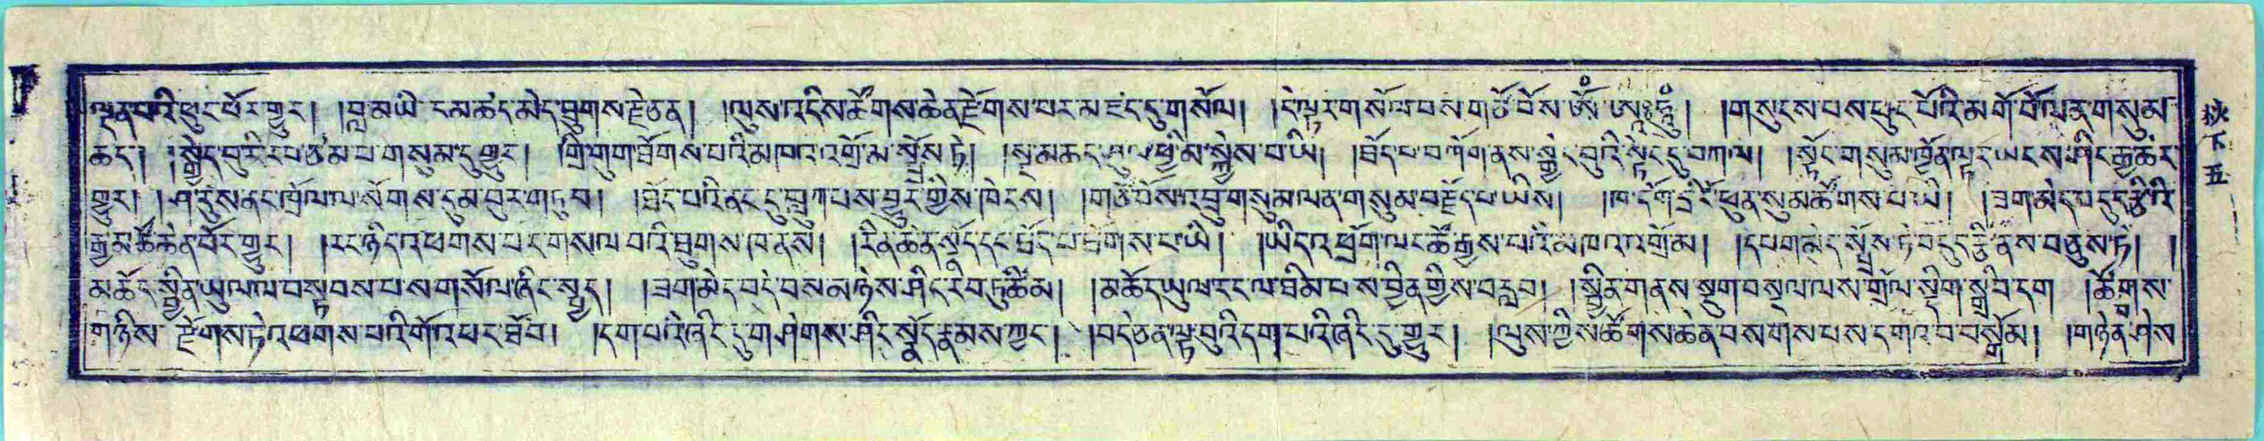ལྡན་
པའི་ཕུང་པོར་གྱུར། །བླམ་ཡི་དམ་ཚད་མེད་ཐུགས་རྗེ་ཅན། །ལུགས་འདིས་ཚོགས་ཆེན་རྫོགས་པར་མཛད་དུ་གསོལ། །དེ་ལྟར་གསོལ་བས་གཙོ་བོས་ཨོཾ་ཨཱཿ ཧཱུཾ། །གསུངས་པས་ཕུང་པོའི་མགོ་བོ་
ལན་གསུམ་ཆད། །སྐྱེད་བུ་རི་ར་བཙམ་པ་གསུམ་དུ་གྱིར། །གྲི་གུག་ཐོས་པའི་མཁའ་འགྲོམ་སྤྲོས་ཏེ། །སྔམ་ཆད་ཤུལ་ཕྱིམ་སྐྱེས་པ་ཡིས། །ཐོས་པ་བགོ་གནས་སྐྱེང་བུའི་སྟེང་དུ་བཀལ། །སྟོང་
གསུམ་ཁྱོན་ལྟར་ཡངས་ཤིང་རྒྱ་ཆེར་གྱུར། །ཤ་རུས་ནང་ཁྲོལ་ལ་སོགས་དུམ་བུར་གཏུ་པ། །ཐོད་པའི་ནང་དུ་བླུག་པས་བྱུར་གྱིས་ཁེངས། །གཙོ་བོས་འབྲུ་གསུམ་ལན་གསུམ་བརྗོད་པ་ཡིས། །ཁ་
ཏོག་དྲི་རོ་ཕུན་སུམ་ཚོགས་པ་ཡི། །ཟག་མེད་བདུད་རྩིའི་རྒྱ་མཚོ་ཆེན་པོར་གྱུར། །རང་ཉིད་འཕགས་པར་གསལ་བའི་ཐུགས་ཁ་ནས། །རིན་ཆེན་སྣོད་དང་ཐོད་པ་ཐོགས་པ་ཡི། །ཡིད་འཕྲོག་ལང་ཚོ་རྒྱས་པའི་མཁའ་འགྲོ་མ། །དཔག་མེད་སྤྲོས་ཏེ་བདུད་རྩི་ནས་བཅུས་ཏེ། །མཆོད་སྦྱིན་ཡུལ་ལ་བསྟབས་པས་གསོལ་ཞིང་སྤྱད། །ཟག་མེད་བདེ་བསམ་ཉེས་ཤིང་རབ་ཏུ་ཚིམ། །མཆོད་ཡུལ་རང་ལ་
ཐིམ་པས་བྱིན་གྱིས་བརླབ། །སྤྱིན་གནས་སྡུག་བསྔལ་ལས་གྲོལ་སྡིག་སྒྲི་བདག །ཚོགས་གཉིས་རྫོགས་ཏེ་འཕགས་པའི་གོ་འཕང་ཐོབ། །དག་པའི་ཞིང་དུ་གཤེགས་ཤིད་སྣོད་རྣམས་ཀྱང་། །བདེ་
ཅན་ལྟ་བུའི་དག་པའི་ཞིང་དུ་གྱུར། །ལུས་ཀྱིས་ཚོགས་ཆེན་བསགས་པས་དགའ་བ་བསྒོམ། །གཉེན་ཤེས་